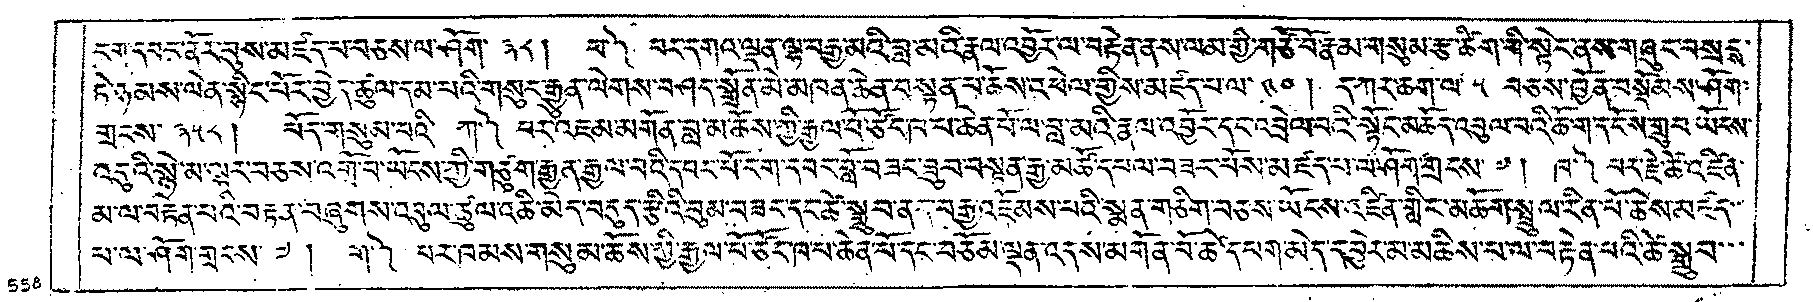ངག་དབང་ནོར་བུས་མཛད་པ་བཅས་ལ་ཤོག ༣༨། ཕ྄་པར་དགའ་ལྡན་ལྷ་བརྒྱ་མའི་བླ་མའི་རྣལ་འབྱོར་ལ་བརྟེན་ནས་ལམ་གྱི་གཙོ་བོ་རྣམ་གསུམ་རྩ་ཚིག་གི་སྟེང་ནས་གཞུང་བསྲངས་
ཏེ་ཉམས་ལེན་སྙིང་པོར་བྱེད་ཚུལ་དམ་པའི་གསུང་རྒྱུན་ལེགས་བཤད་སྒྲོན་མེ་མཁན་ཆེན་བསྟན་པ་ཆོས་འཕེལ་གྱིས་མཛད་པ་ལ ༤༠། དཀར་ཆག་ལ ༥་བཅས་ཁྱོན་བསྡོམས་ཤོག་
གྲངས ༣༥༨། པོད་གསུམ་པའི་ཀ྄་པར་འཇམ་མགོན་བླ་མ་ཆོས་ཀྱི་རྒྱལ་པོ་ཙོང་ཁ་པ་ཆེན་པོ་ལ་བླ་མའི་རྣལ་འབྱོར་དང་འབྲེལ་བའི་སྟོང་མཆོད་འབུལ་བའི་ཆོ་ག་དངོས་གྲུབ་ཡོངས་
འདུའི་སྙེ་མ་ལྷར་བཅས་འགྲོ་བ་ཡོངས་ཀྱི་གཙུག་རྒྱན་རྒྱལ་བའི་དབང་པོ་ངག་དབང་བློ་བཟང་ཐུབ་བསྟན་རྒྱ་མཚོ་དཔལ་བཟང་པོས་མཛད་པ་ལ་ཤོག་གྲངས ༧། ཁ྄་པར་རྗེ་ཚེ་འཛིན་
མ་ལ་བརྟེན་པའི་བརྟན་བཞུགས་འབུལ་ཚུལ་འཆི་མེད་བདུད་རྩིའི་བུམ་བཟང་དང་ཚེ་སྒྲུབ་ནད་བརྒྱ་འཇོམས་པའི་སྨན་གཅིག་བཅས་ཡོངས་འཛིན་གླིང་མཆོག་སྤྲུལ་རིན་པོ་ཆེས་མཛད་
པ་ལ་ཤོག་གྲངས ༧། ག྄་པར་ཁམས་གསུམ་ཆོས་ཀྱི་རྒྱལ་པོ་ཙོང་ཁ་པ་ཆེན་པོ་དང་བཅོམ་ལྡན་འདས་མགོན་པོ་ཚེ་དཔག་མེད་དབྱེར་མ་མཆིས་པ་ལ་བརྟེན་པའི་ཚེ་སྒྲུབ་